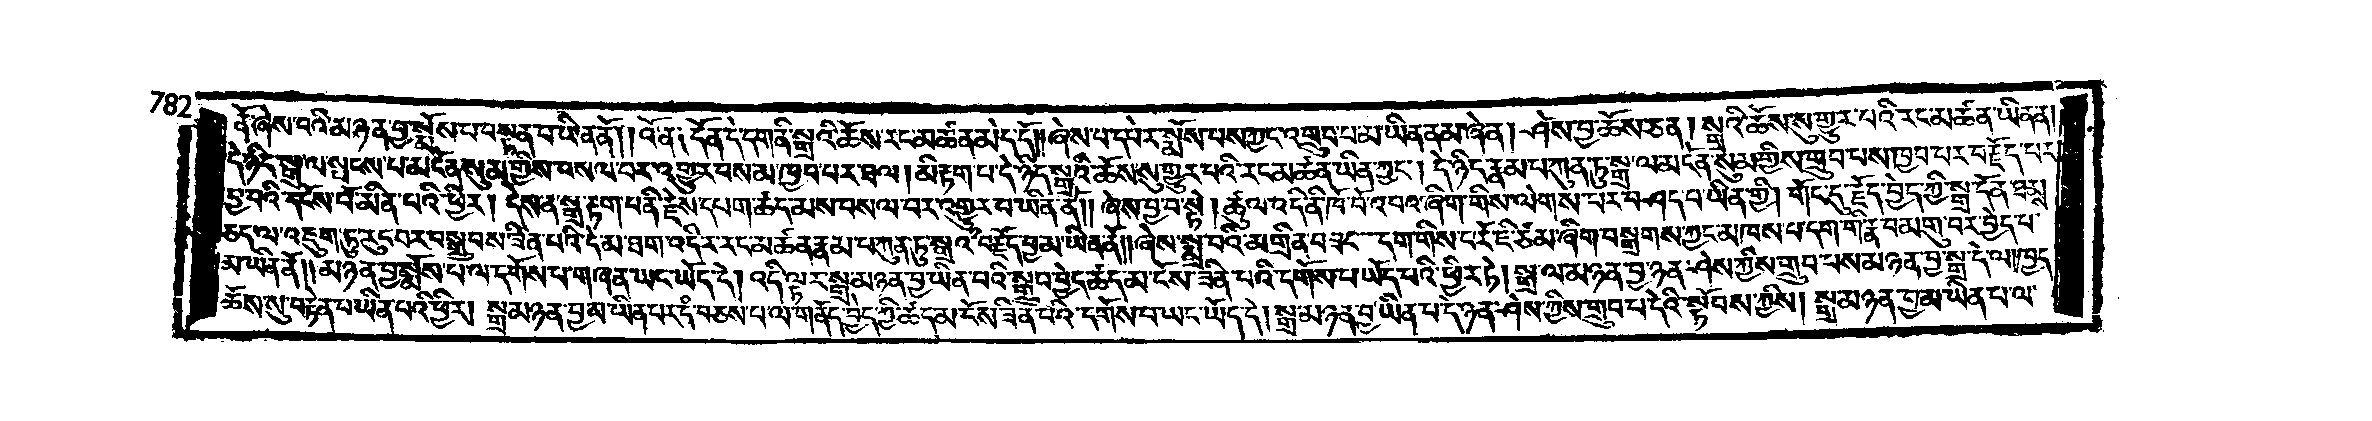ནོ་ཞེས་པའི་མཉན་བྱ་སྨོས་པ་བསྟན་པ་ཡིན་ནོ། །འོ་ན། དོན་དེ་དག་ནི་སྒྲའི་ཆོས་རང་མཚན་མེད་དོ། །ཞེས་པ་དཔེར་སྨོས་པས་ཀྱང་འགྲུབ་པ་མ་ཡིན་ནམ་ཞེ་ན། ཤེས་བྱ་ཆོས་ཅན། སྒྲའི་ཆོས་སུ་གྱུར་པའི་རང་མཚན་ཡིན་ན།
དེ་ཉིད་སྒྲ་ལ་སྤངས་པ་མངོན་སུམ་གྱིས་བསལ་བར་འགྱུར་བས་མ་ཁྱབ་པར་ཐལ། མི་རྟག་པ་དེ་ཉིད་སྒྲའི་ཆོས་སུ་གྱུར་པའི་རང་མཚན་ཡིན་ཀྱང་། དེ་ཉིད་རྣམ་པ་ཀུན་ཏུ་སྒྲ་ལ་མངོན་སུམ་གྱིས་གྲུབ་པས་ཁྱབ་པར་བརྗོད་པར་
བྱ་བའི་དངོས་པོ་མིན་པའི་ཕྱིར། དེས་ན་སྒྲ་རྟག་པ་ནི་རྗེས་དཔག་ཚད་མས་བསལ་བར་འགྱུར་བ་ཡིན་ནོ། །ཞེས་བྱ་བ་སྟེ། ཚུལ་འདི་ནི་ཁོ་བོ་འབའ་ཞིག་གིས་ལེགས་པར་བཤད་པ་ཡིན་གྱི། གོང་དུ་རྗོད་བྱེད་ཀྱི་སྒྲ་དོན་ཐམས་
ཅད་ལ་འཇུག་ཏུ་རུང་བར་བསྒྲུབས་ཟིན་པའི་དེ་མ་ཐག་འདིར་རང་མཚན་རྣམ་པ་ཀུན་ཏུ་སྒྲའི་བརྗོད་བྱ་མ་ཡིན་ནོ། །ཞེས་སྨྲ་བའི་མགྲིན་བཟང་དག་གིས་ང་རོ་ཇི་ཙམ་ཞིག་བསྒྲགས་ཀྱང་མཁས་པ་དག་གི་རྣམ་བ་མགུ་བར་བྱེད་པར་
མ་ཡིན་ནོ། །མཉན་བྱ་སྨོས་པ་ལ་དགོས་པ་གཞན་ཡང་ཡོད་དེ། འདི་ལྟར་སྒྲ་མཉན་བྱ་ཡིན་པའི་སྒྲུབ་བྱེད་ཚད་མ་ངོས་ཟིན་པའི་དགོས་པ་ཡོད་པའི་ཕྱིར་ཏེ། སྒྲ་ལ་མཉན་བྱ་ཉན་ཤེས་ཀྱིས་གྲུབ་པས་མཉན་བྱ་སྒྲ་དེ་ལ། ཁྱད་
ཆོས་སུ་བརྟེན་པ་ཡིན་པའི་ཕྱིར། སྒྲ་མཉན་བྱ་མ་ཡིན་པར་དམ་བཅས་པ་ལ་གནོད་བྱེད་ཀྱི་ཚད་མ་ངོས་ཟིན་པའི་དགོས་པ་ཡང་ཡོད་དེ། སྒྲ་མཉན་བྱ་ཡིན་པ་དེ་ཉན་ཤེས་ཀྱིས་གྲུབ་པ་དེའི་སྟོབས་ཀྱིས། སྒྲ་མཉན་བྱ་མ་ཡིན་པ་ལ་